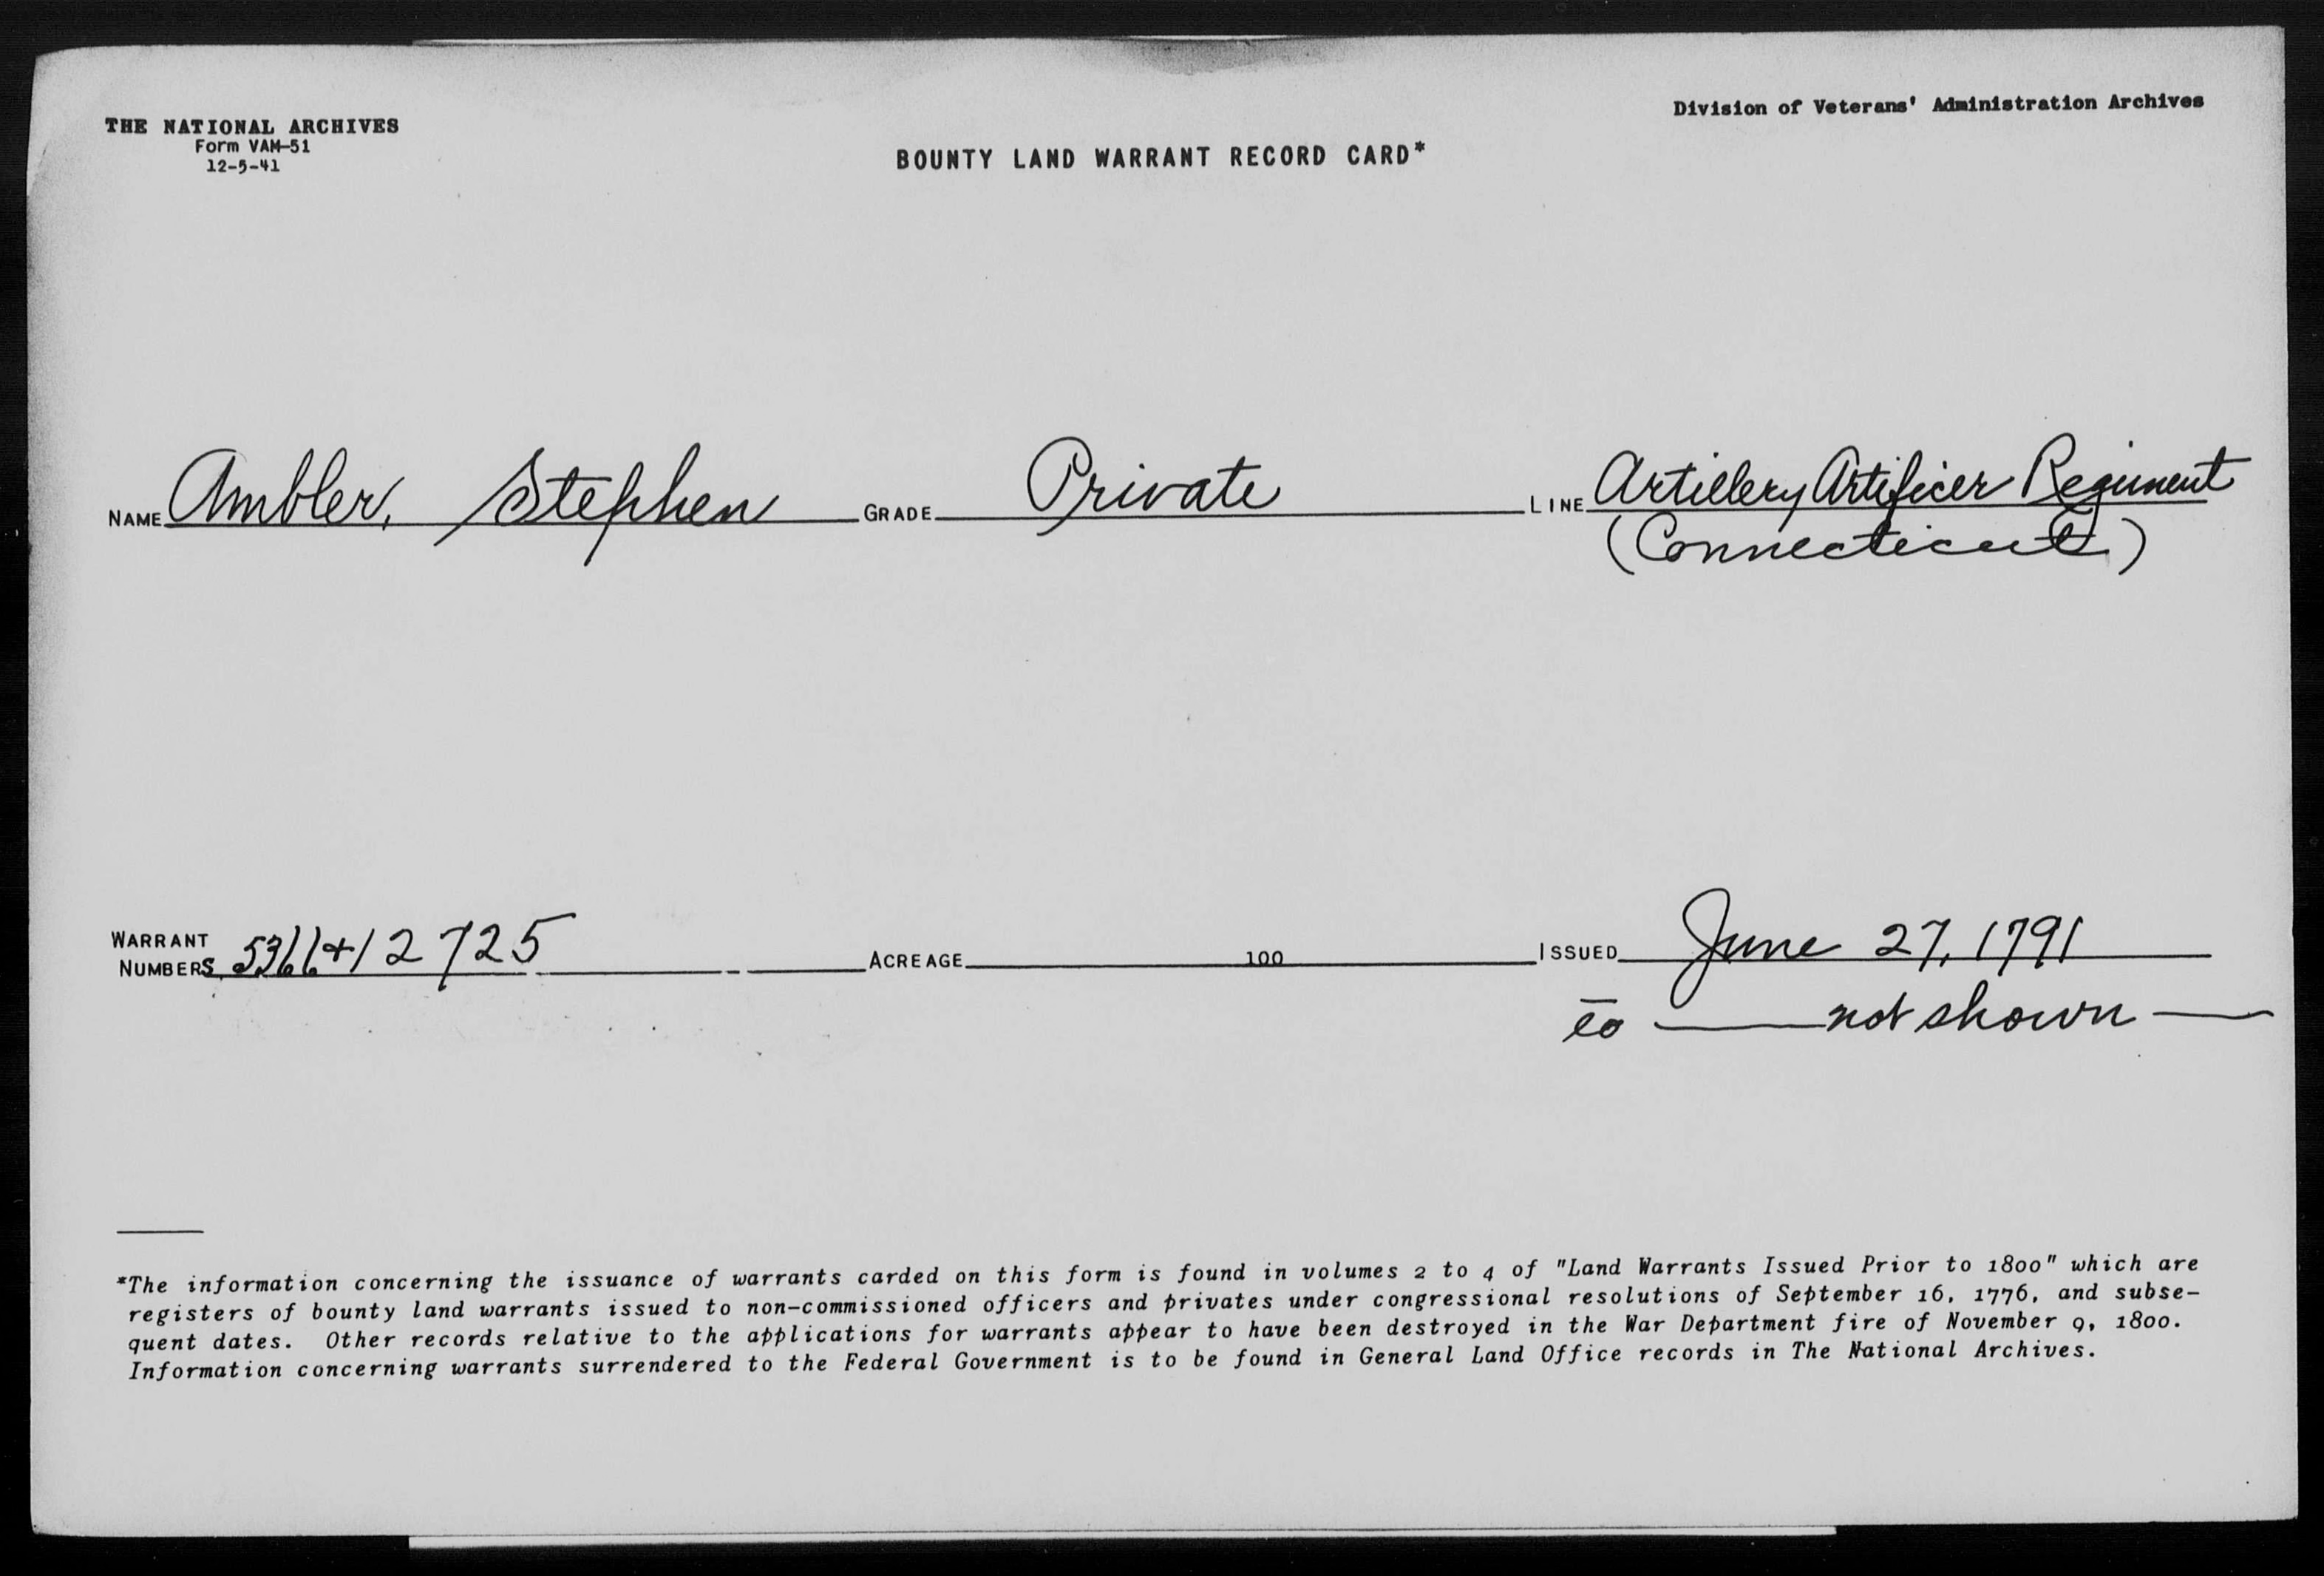THE NATIONAL ARCHIVES
Form VAN-51
12-5-41

Division of Veterans' Administration

BOUNTY LAND WARRANT RECORD CARD*

NAME Ambler, Stephen
GRADE Private
LINE Artillery Artificer Regiment
WARRANT NUMBERS 5366 + 12725
ACREAGE 100
ISSUED June 27, 1791
to --- not shown--- [written under Issued date]

*The information concerning the issuance of warrants carded on this form is found in volumes 2 to 4 of "Land Warrants Issued Prior to 1800" which are registers of bounty land warrants issued to non-commissioned officers and privates under congressional resolutions of September 16, 1776, and subsequent dates. Other records relative to the applications for warrants appear to have been destroyed in the War Department fire of November 9, 1800. Information concerning warrants surrendered to the Federal Government is to be found in General Land Office records in The National Archives.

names: Stephen Ambler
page: 39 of 39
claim: widow's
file: W. 2,056, Squire Ambler, Continental (Sol. Res. In N.Y. & Conn.)